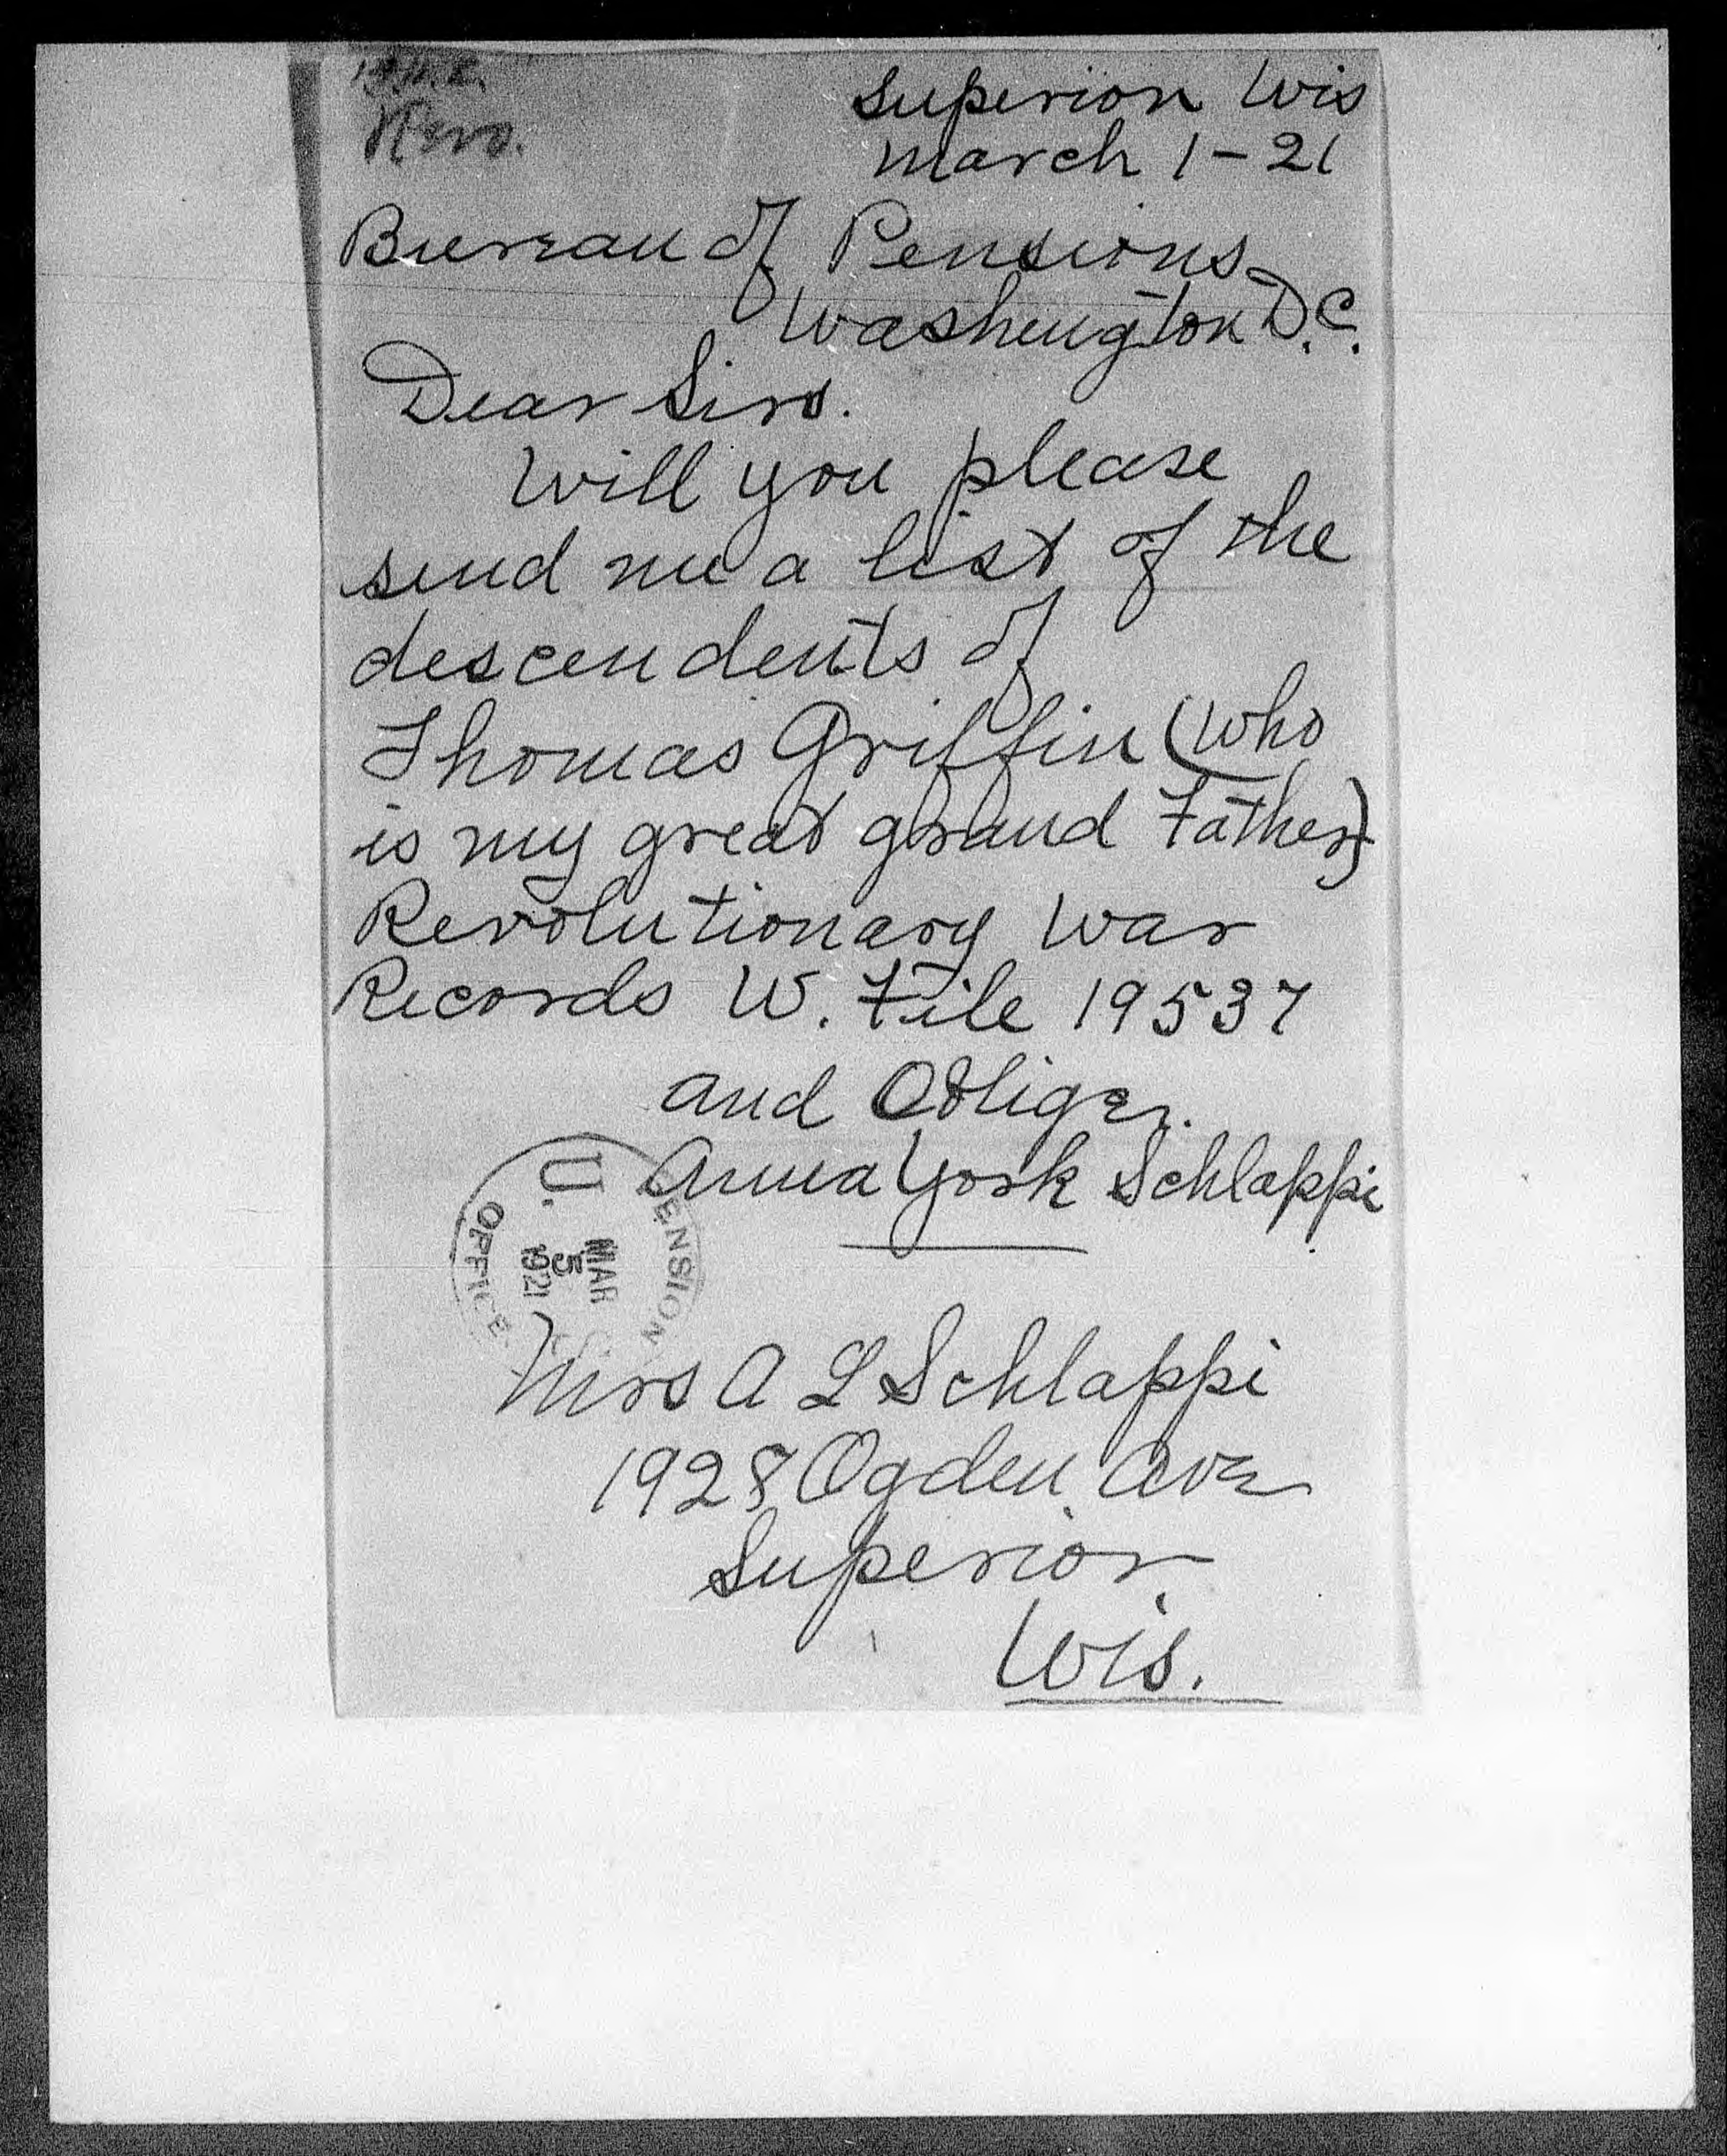Superior Urs
March 1-21

Bureau of Pensions
Washington D.C.

Dear Sirs. 
Will you please send me a list of the descendents  of Thomas Griffin (who is my great grand father) Revolutionary War Records W. File 19537

And Oblige
Anna York Schlappi

Mrs A L Schlappi
1928 Ogden Ave
Superior
Urs.


Pension Office 
U.S.
Mar 5 1921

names: Anna York Schlappi, Thomas Griffin, A L Schlappi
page: 52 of 60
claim: widow's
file: W. 19,537, Thomas Griffin, Conn.